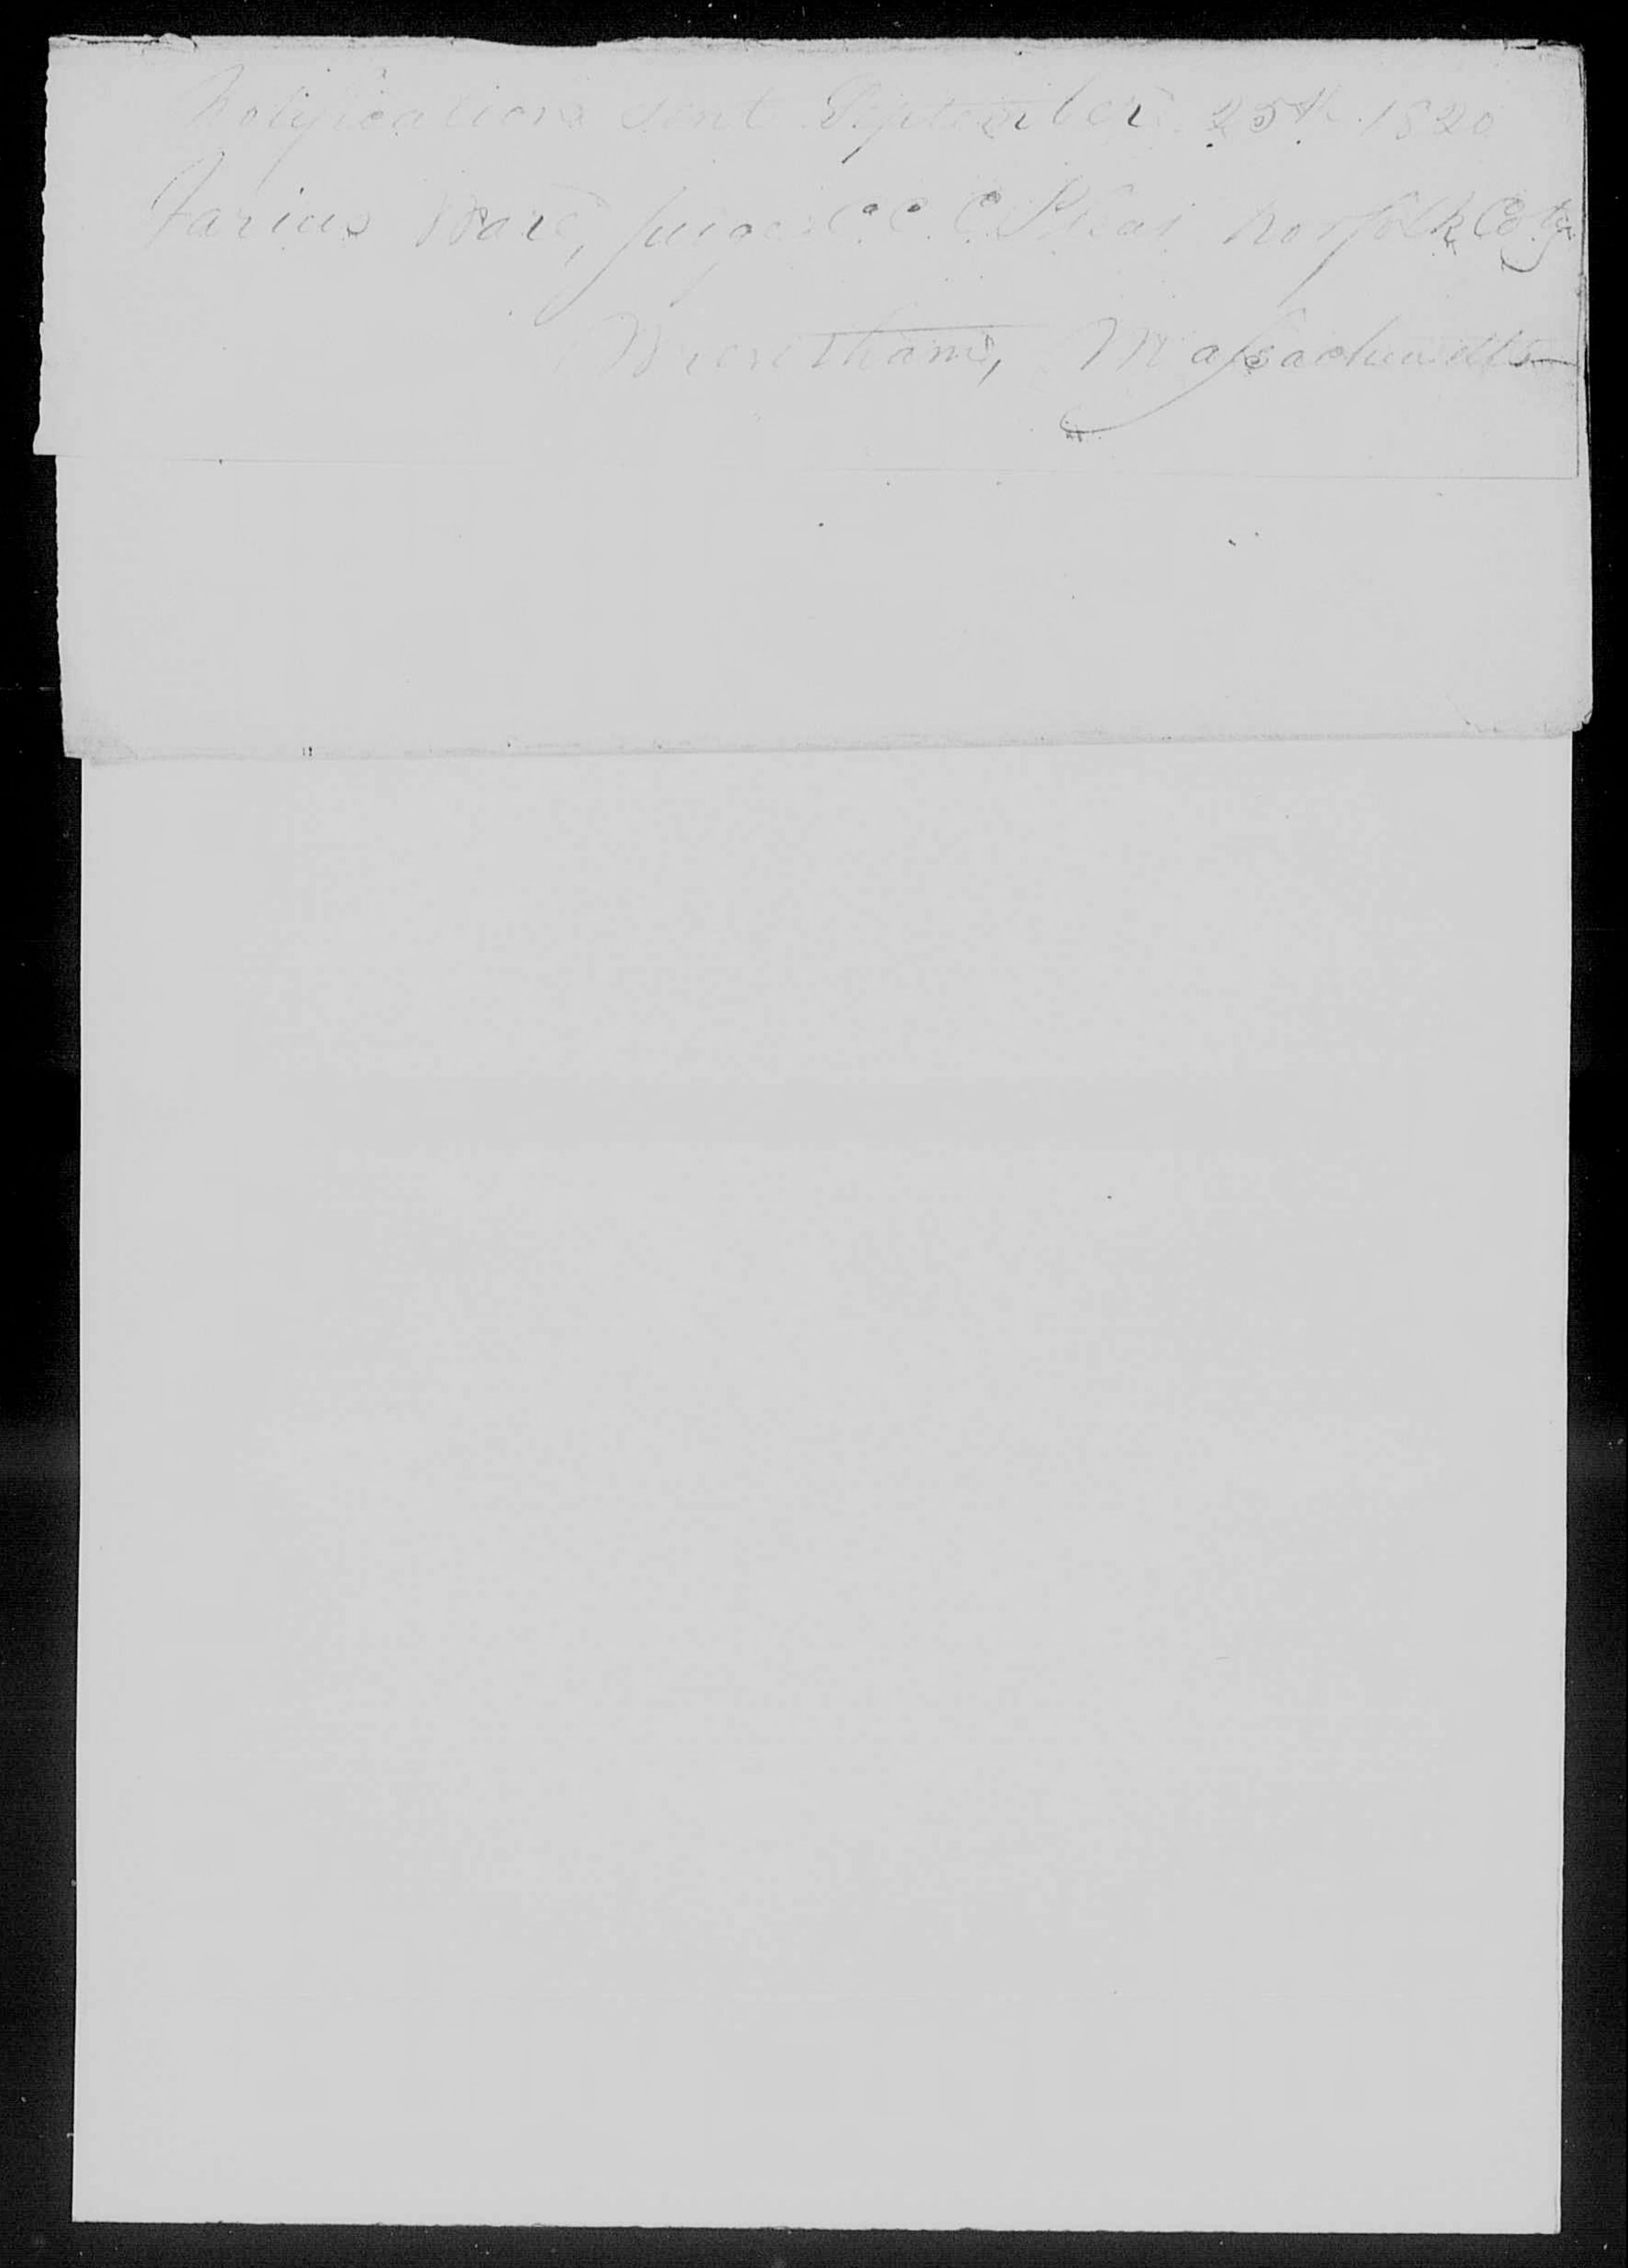Notification sent September 25th 1820 
Jarius Ware Judge C.C.C. Pleas Norfolk County Wrentham, Massachusetts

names: Jarius Ware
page: 20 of 45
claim: widow's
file: W. 14,567, Oliver Comee, Mass.